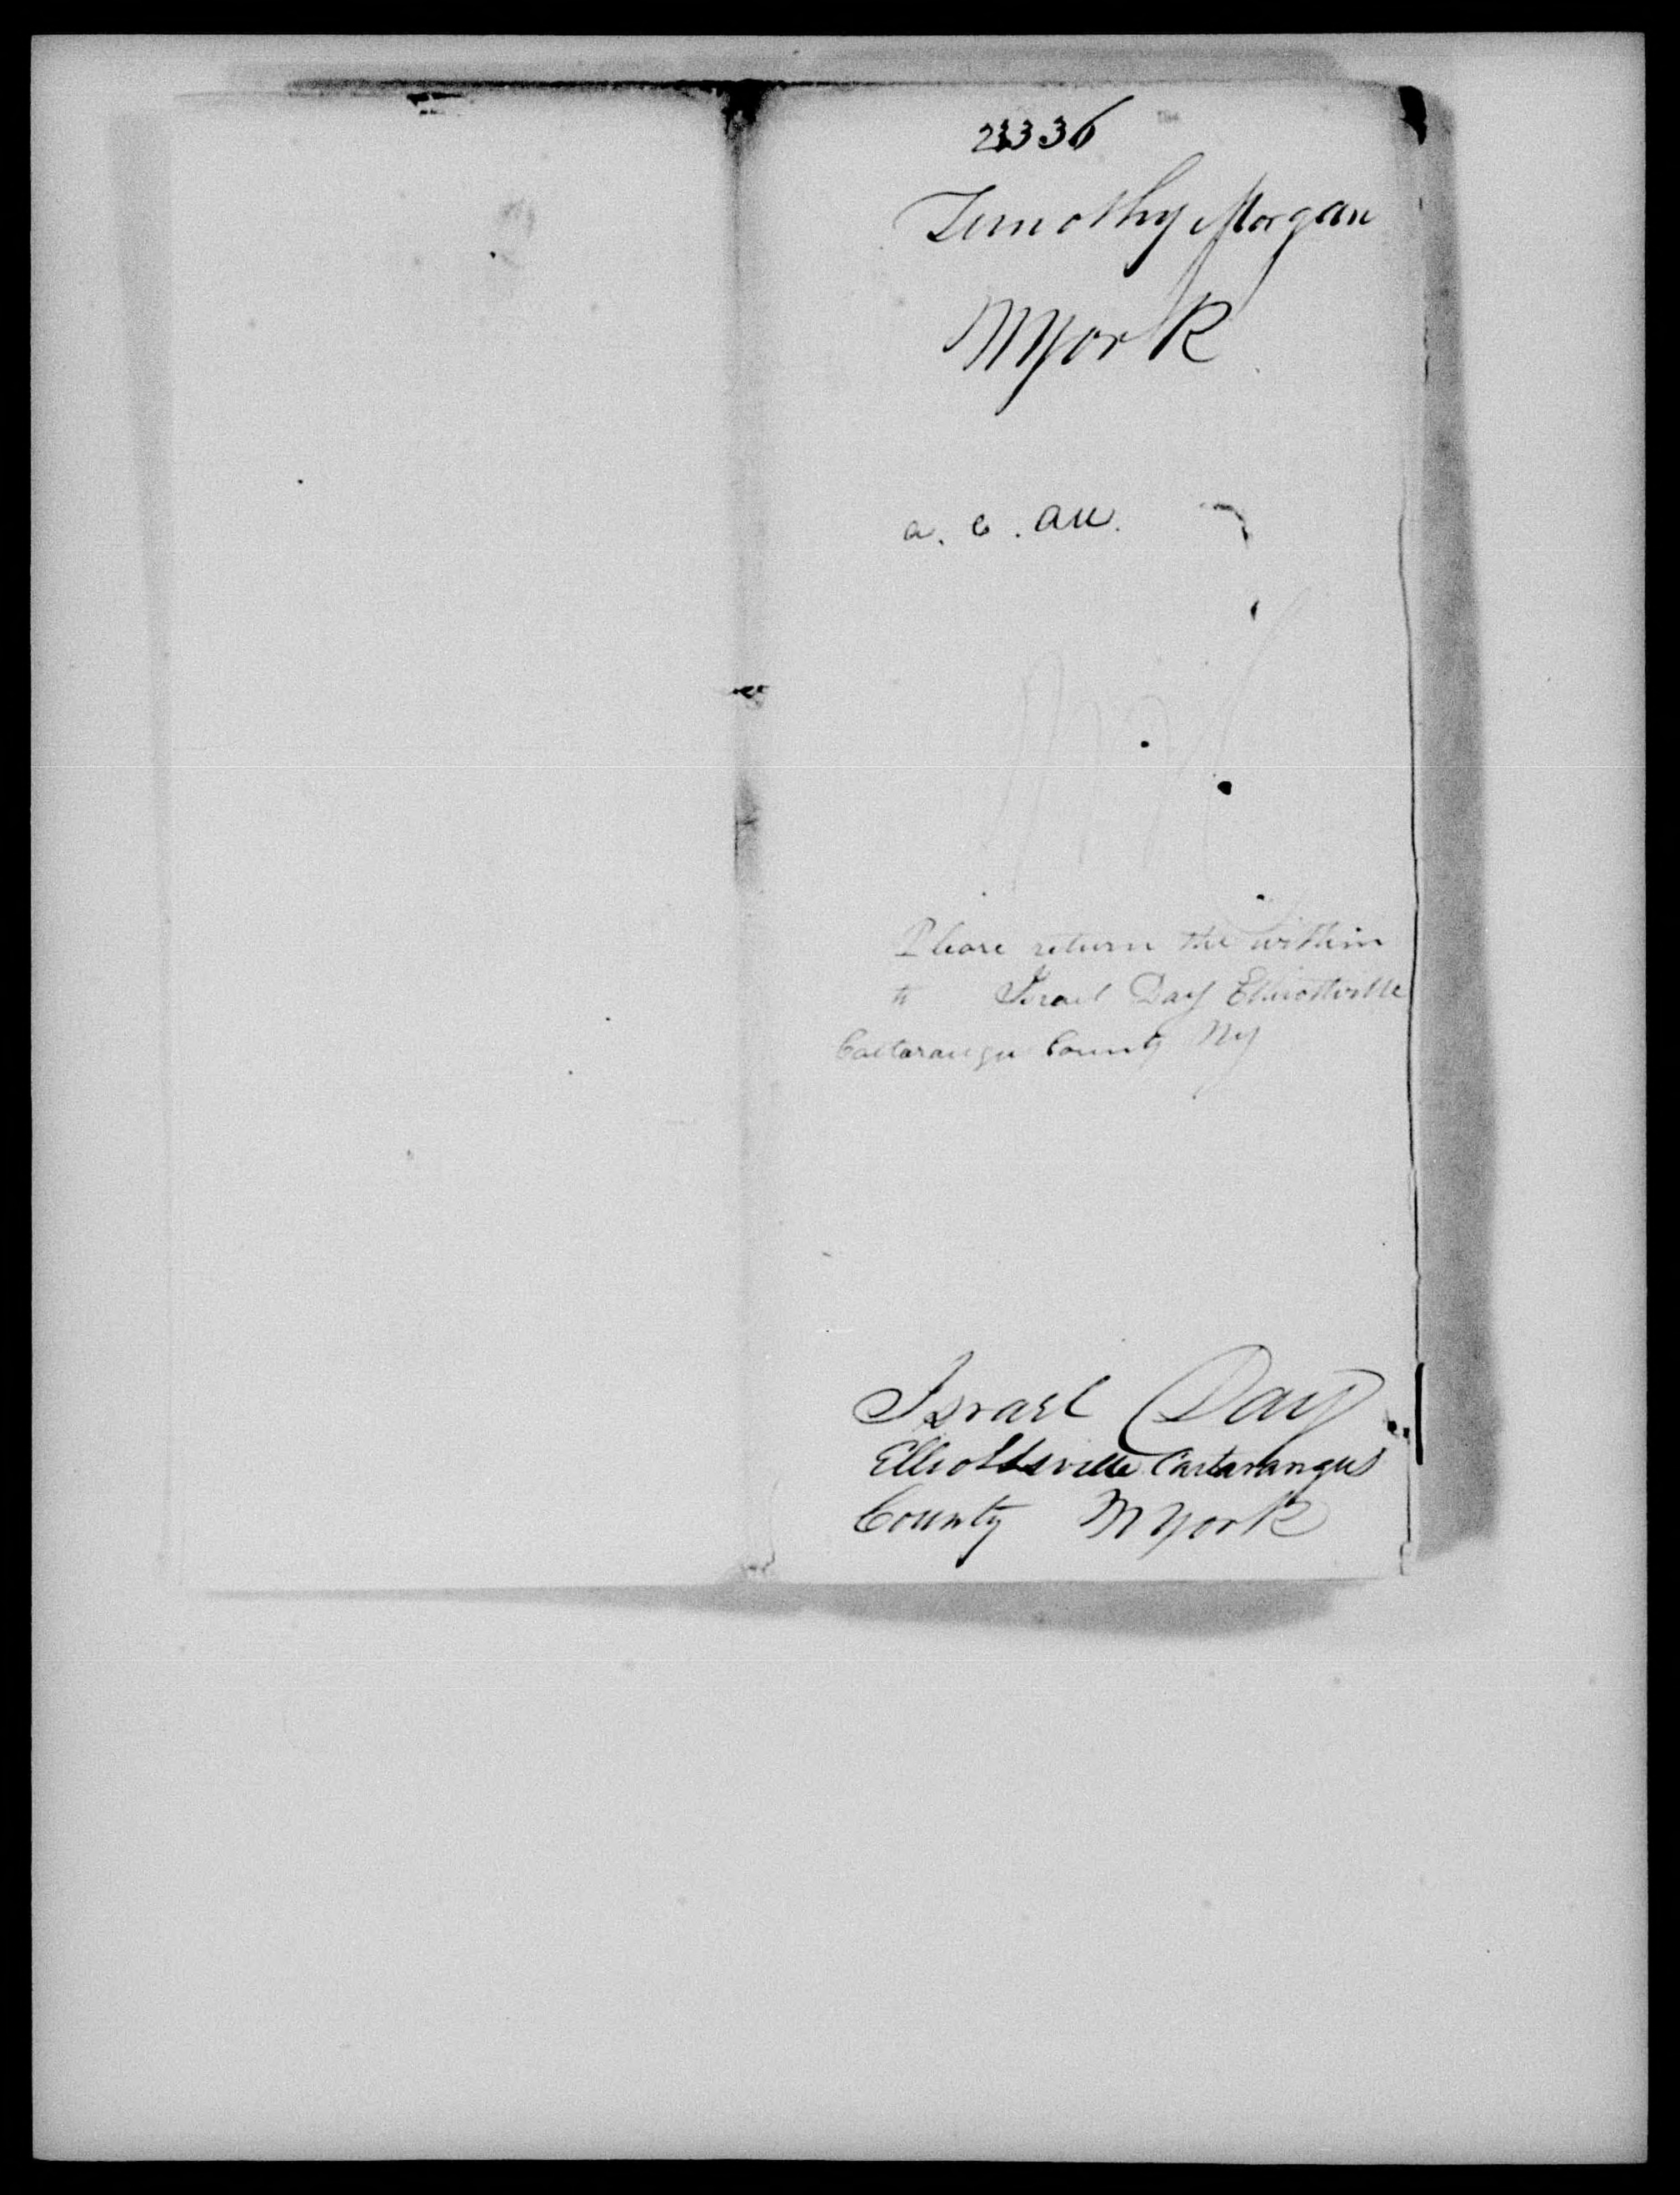21336
Timothy Morgan
N York
a. c. au.
Please return the within
to Israel Day Ellicottville
Cattaraugus County Ny
Israel Day
Ellicottville Cattaraugus
County N York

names: Israel Day; Timothy Morgan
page: 4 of 19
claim: rejected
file: R 7390, for Timothy Morgan, Connecticut